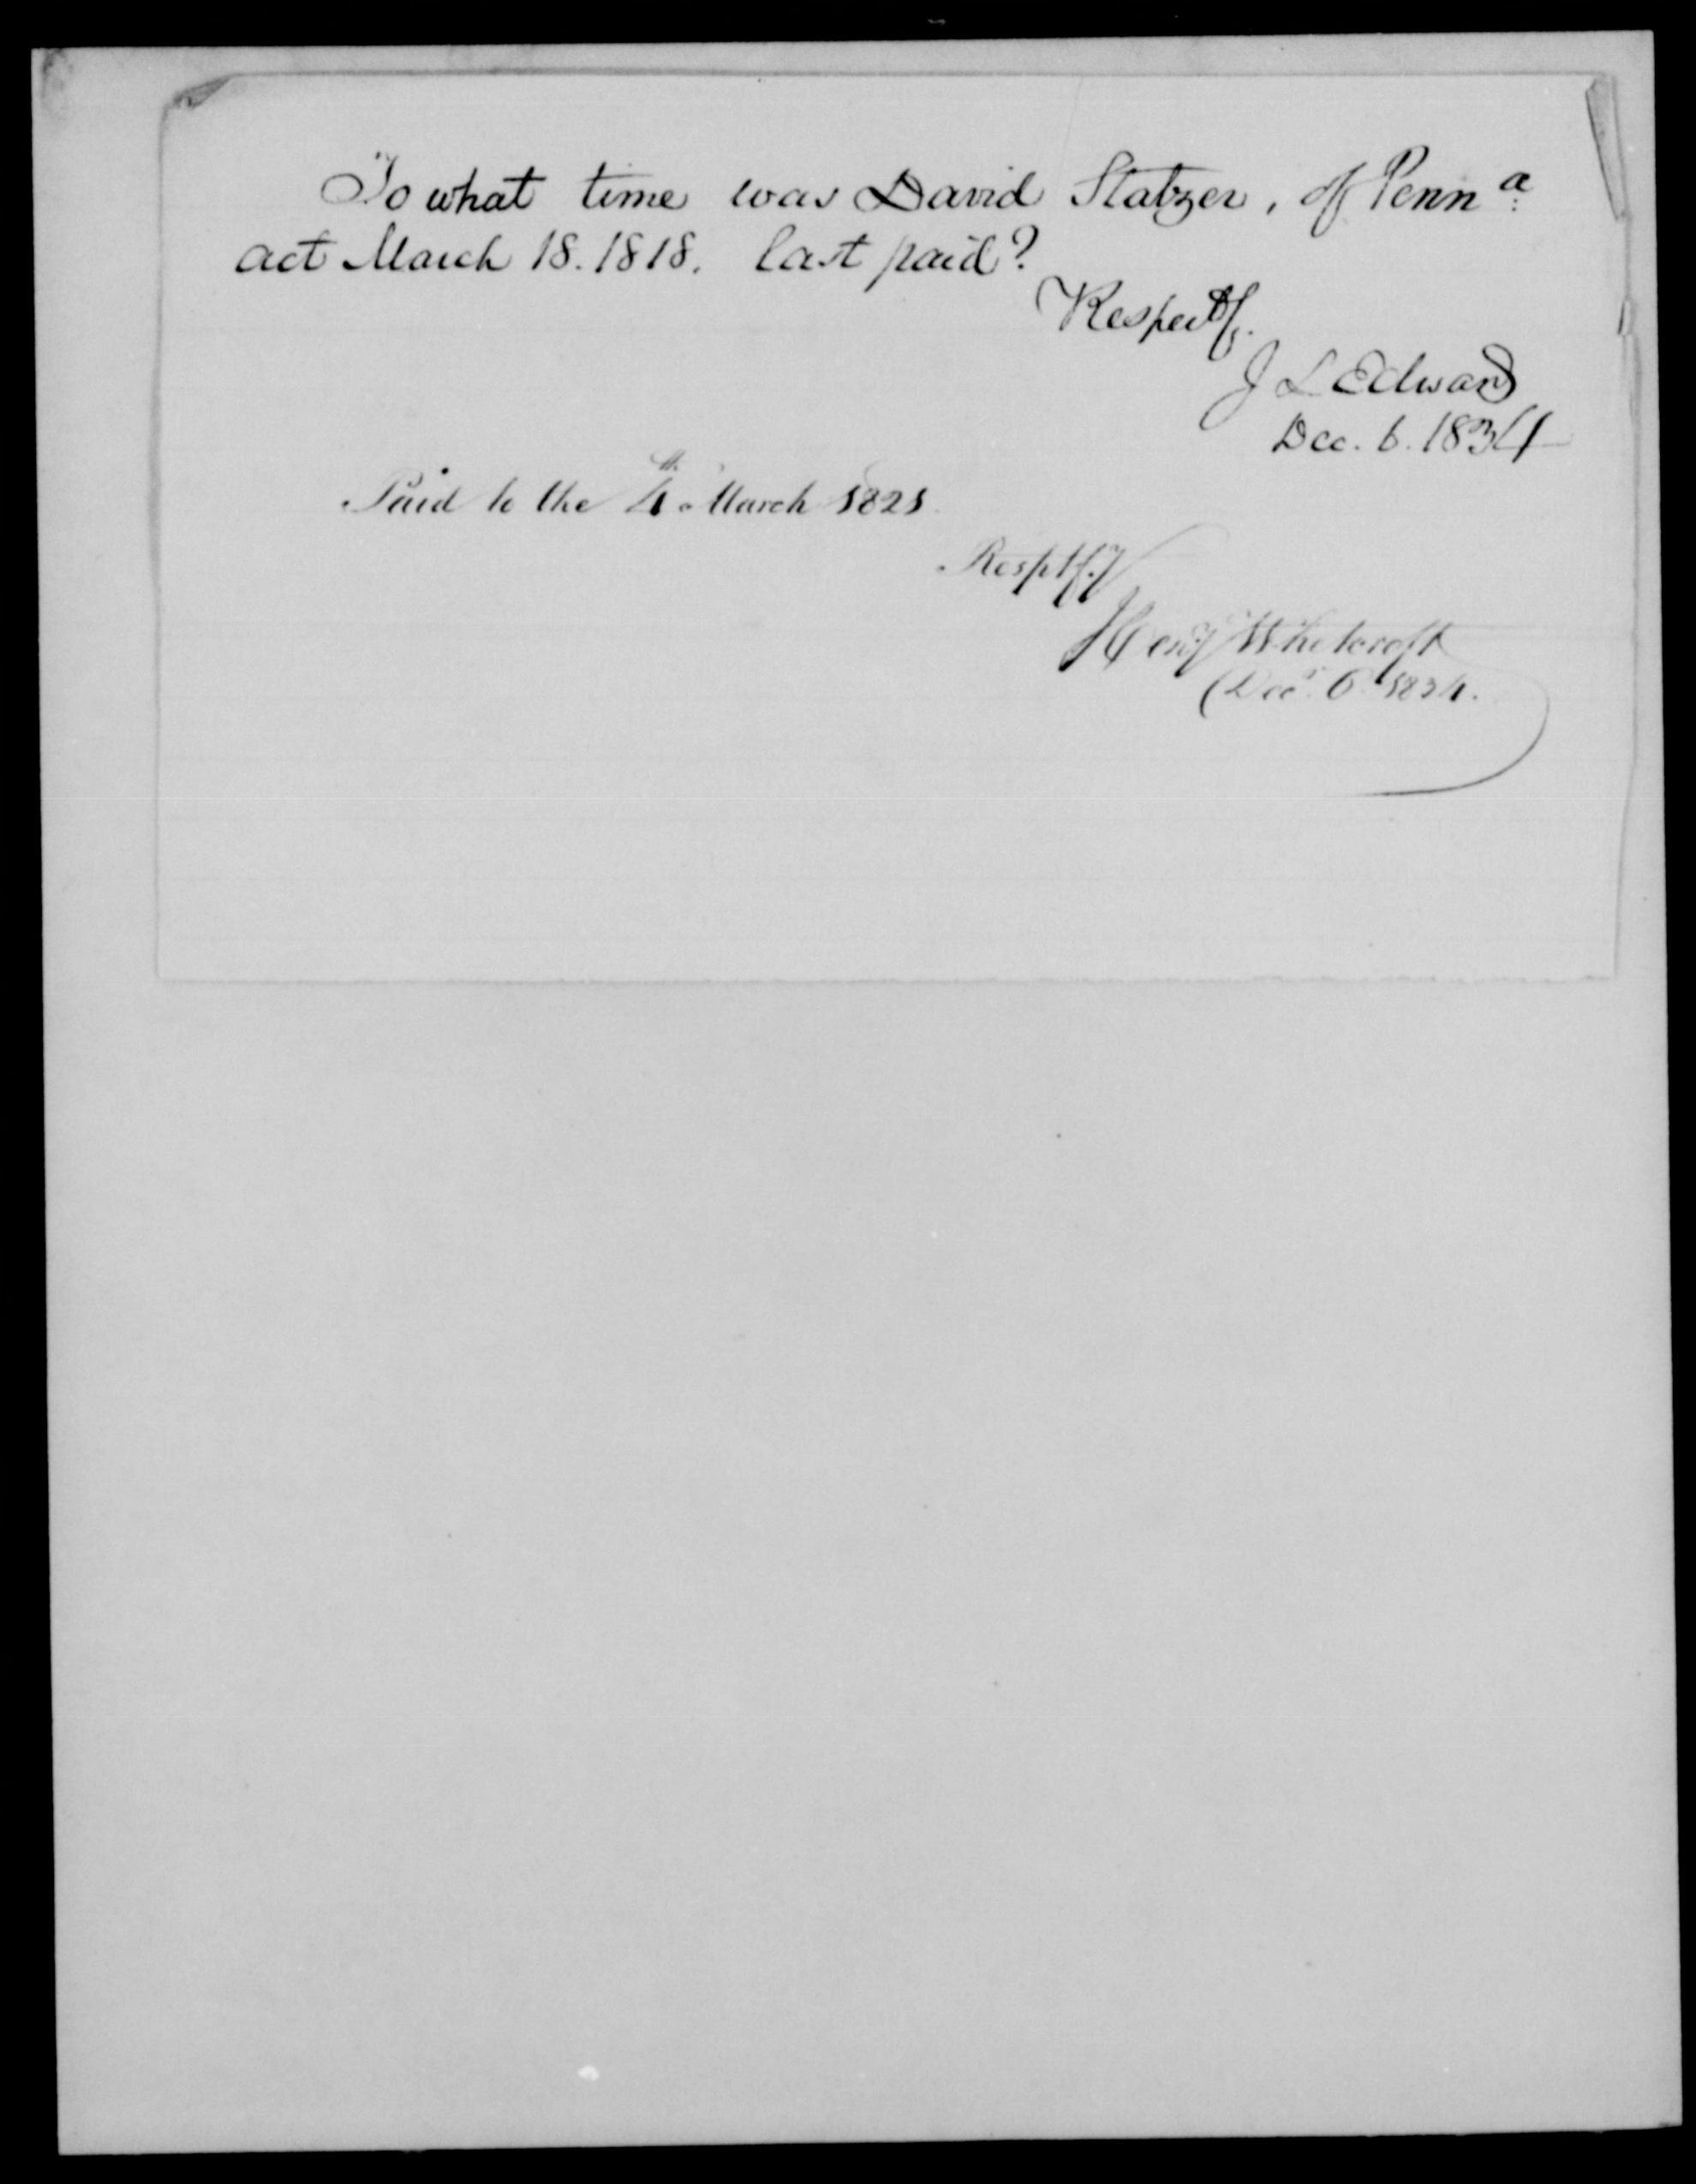To what time was David Statzer, of Pennsylvania, Act March 18. 1818, last paid?
Respectfully,
J L Edward
Dec. 6. 1834
Paid to the 4th March 1821.
Respectfully,
Henry Whitecroft
Dec. 6, 1834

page: 21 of 28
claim: widow's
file: W. 3163, for David Statser, Pennsylvania